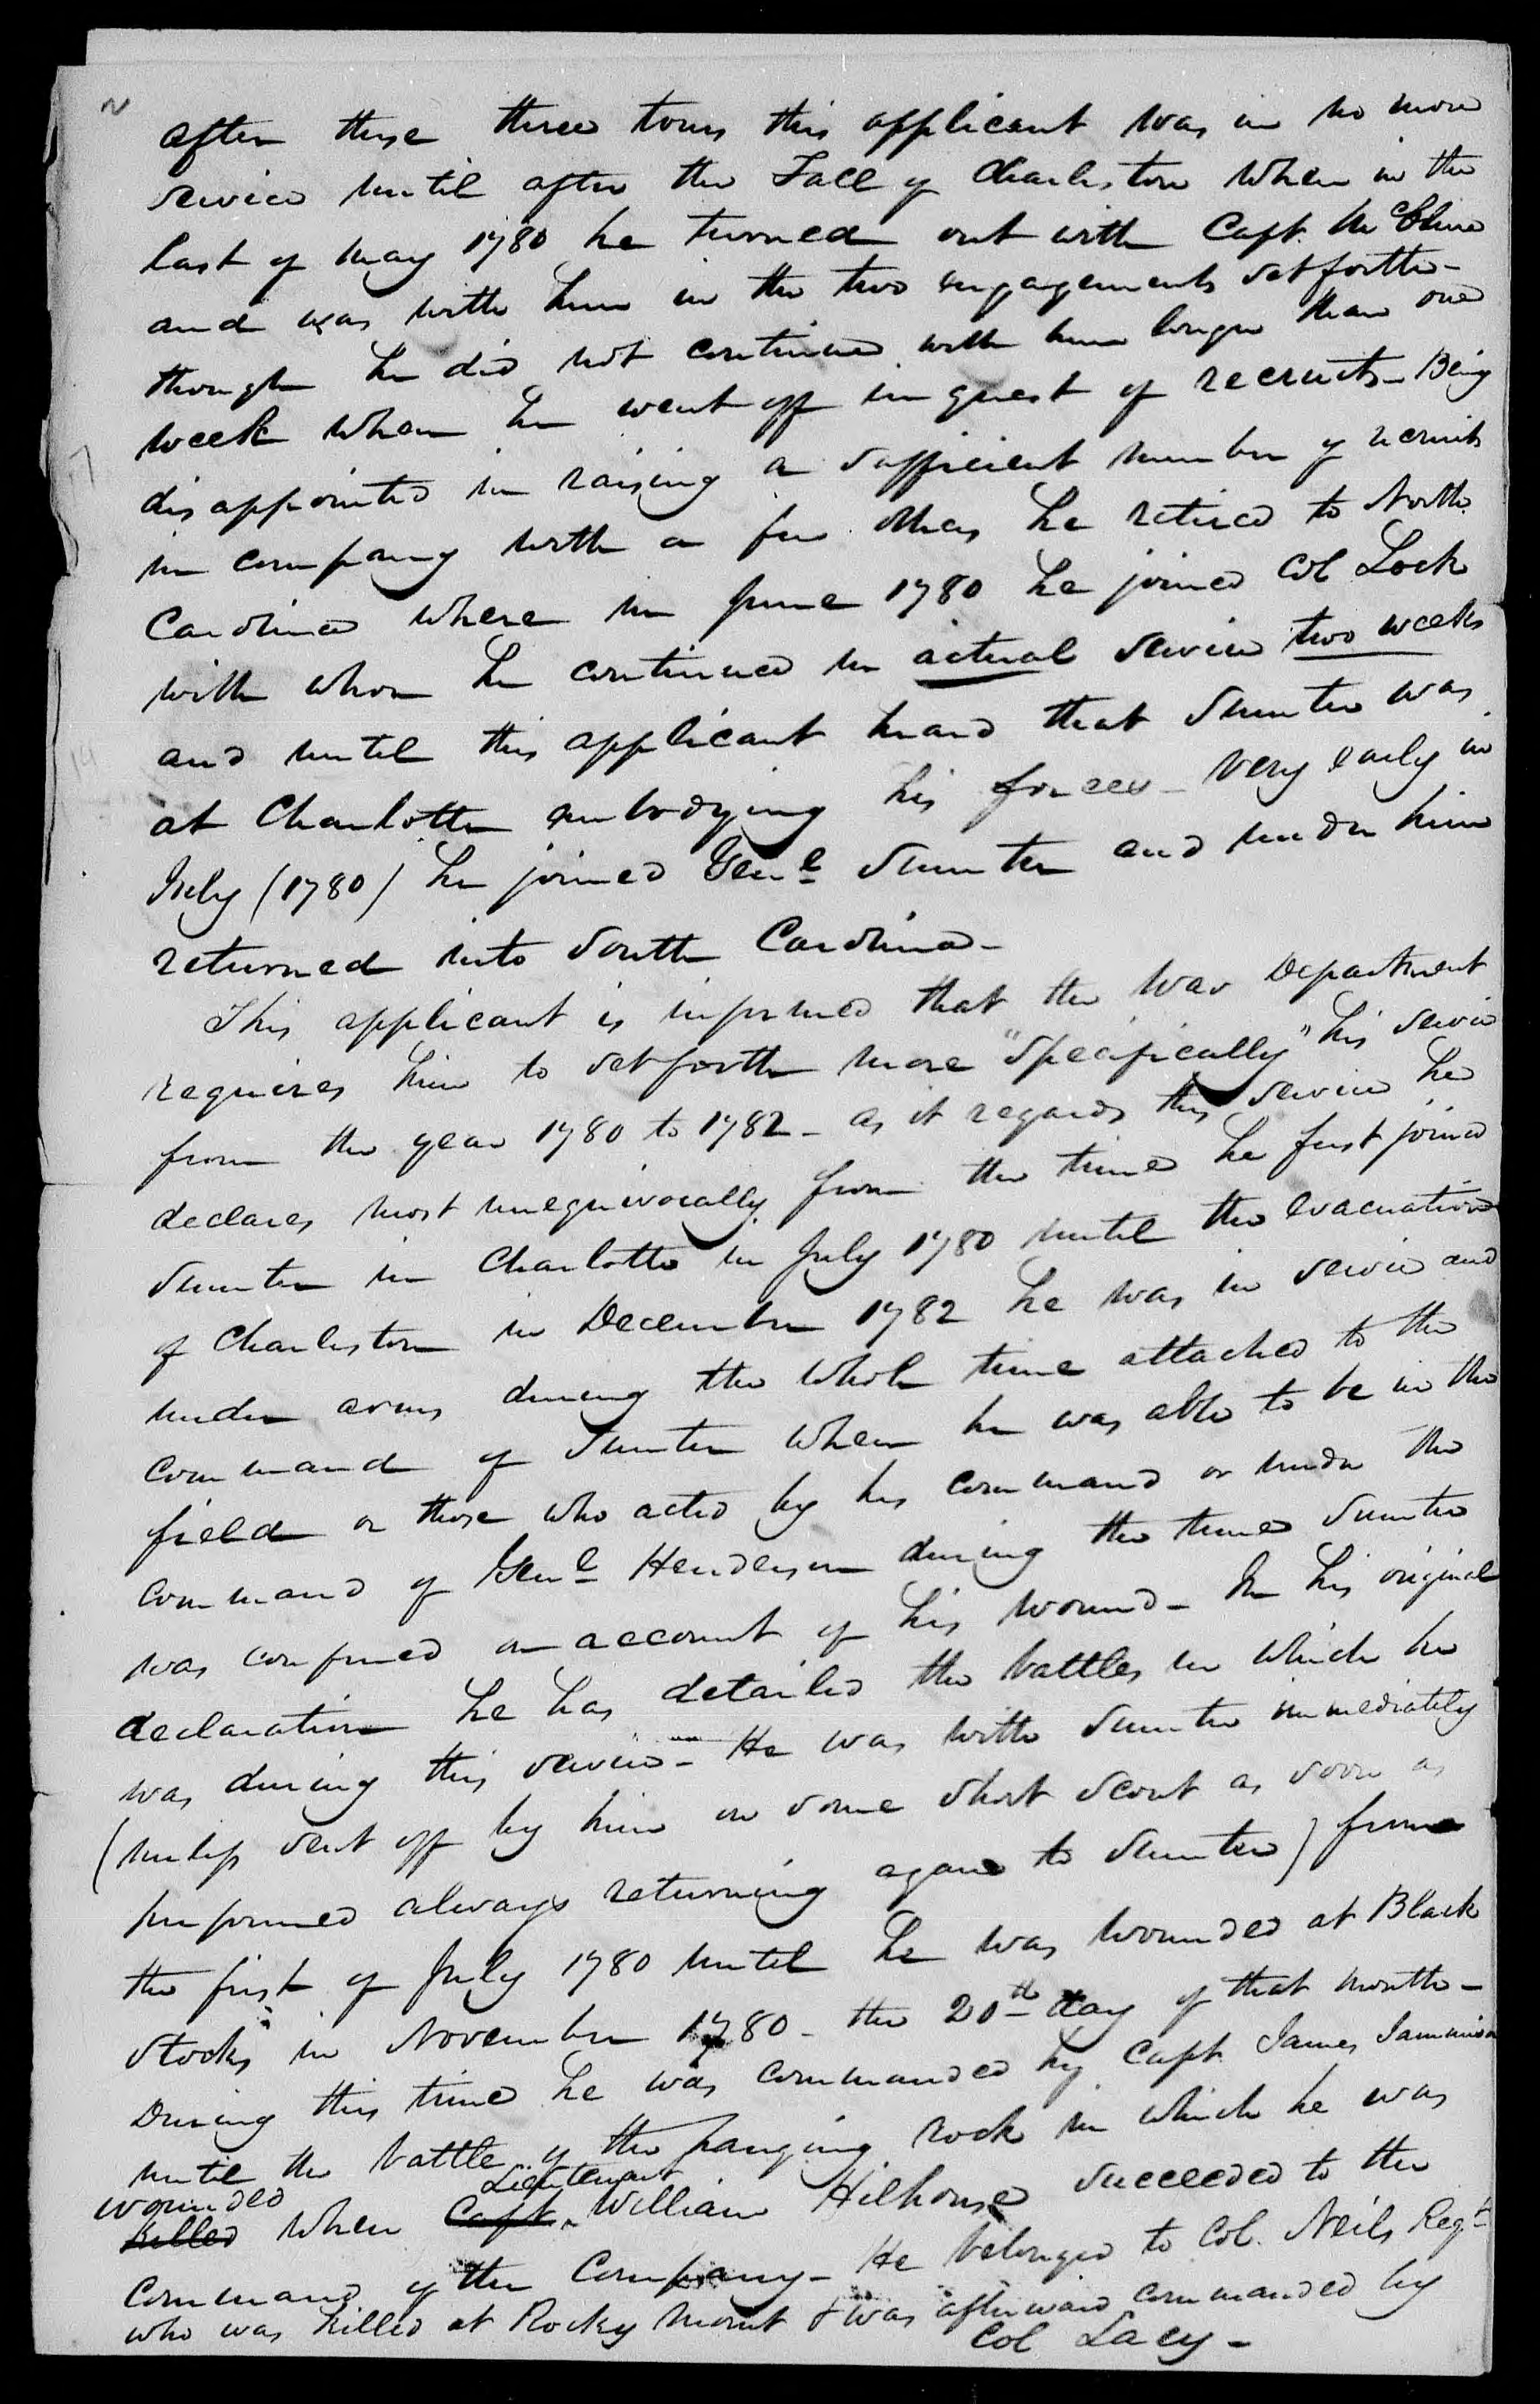2
after these three tours this applicant was in no known service until after the Fall of Charleston when in this Last of May 1780 he turned out with Capt. McClure and was with him in the two engagements set forth - though he did not continue with him longer than one week whom he went off in quest of recruits - Being disappointed in raising a sufficient number of recruits in company with a few men, he retired to North Carolina where in June 1780 he joined Col Lock with whom he continued in actual service two weeks and until this applicant heard that Sumter was at Charlotte [illegible] his forces very early in July /1780/ he joined Genl Sumter and under him returned into South Carolina-

This applicant is [illegible] that he was Department requires him to set forth more "specifically" his service from the year 1780 - -1782 - as it regards his service he declares most unequivocally from the time he first joined Sumter in Charlote in Jul 1780 until his evacuation of Charleston in December 1782 he was in service and under arms during the whole time attached to the command of Sumter when he was able to be in the field or those who acted by his command or under his field or those who acted by his command or under the command of Genl Heneleyam during the time as Sumter was confined on account of his wounds - he has his original declaration he has detailed the battles , in which during this ser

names: Sumter, William Hilhouse, Lock, James Jammison, Mc Clure, Sumter, Sumter, Henderson, Laly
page: 22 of 55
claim: widow's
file: W. 22864, John Craig, S.C. Born In Iceland